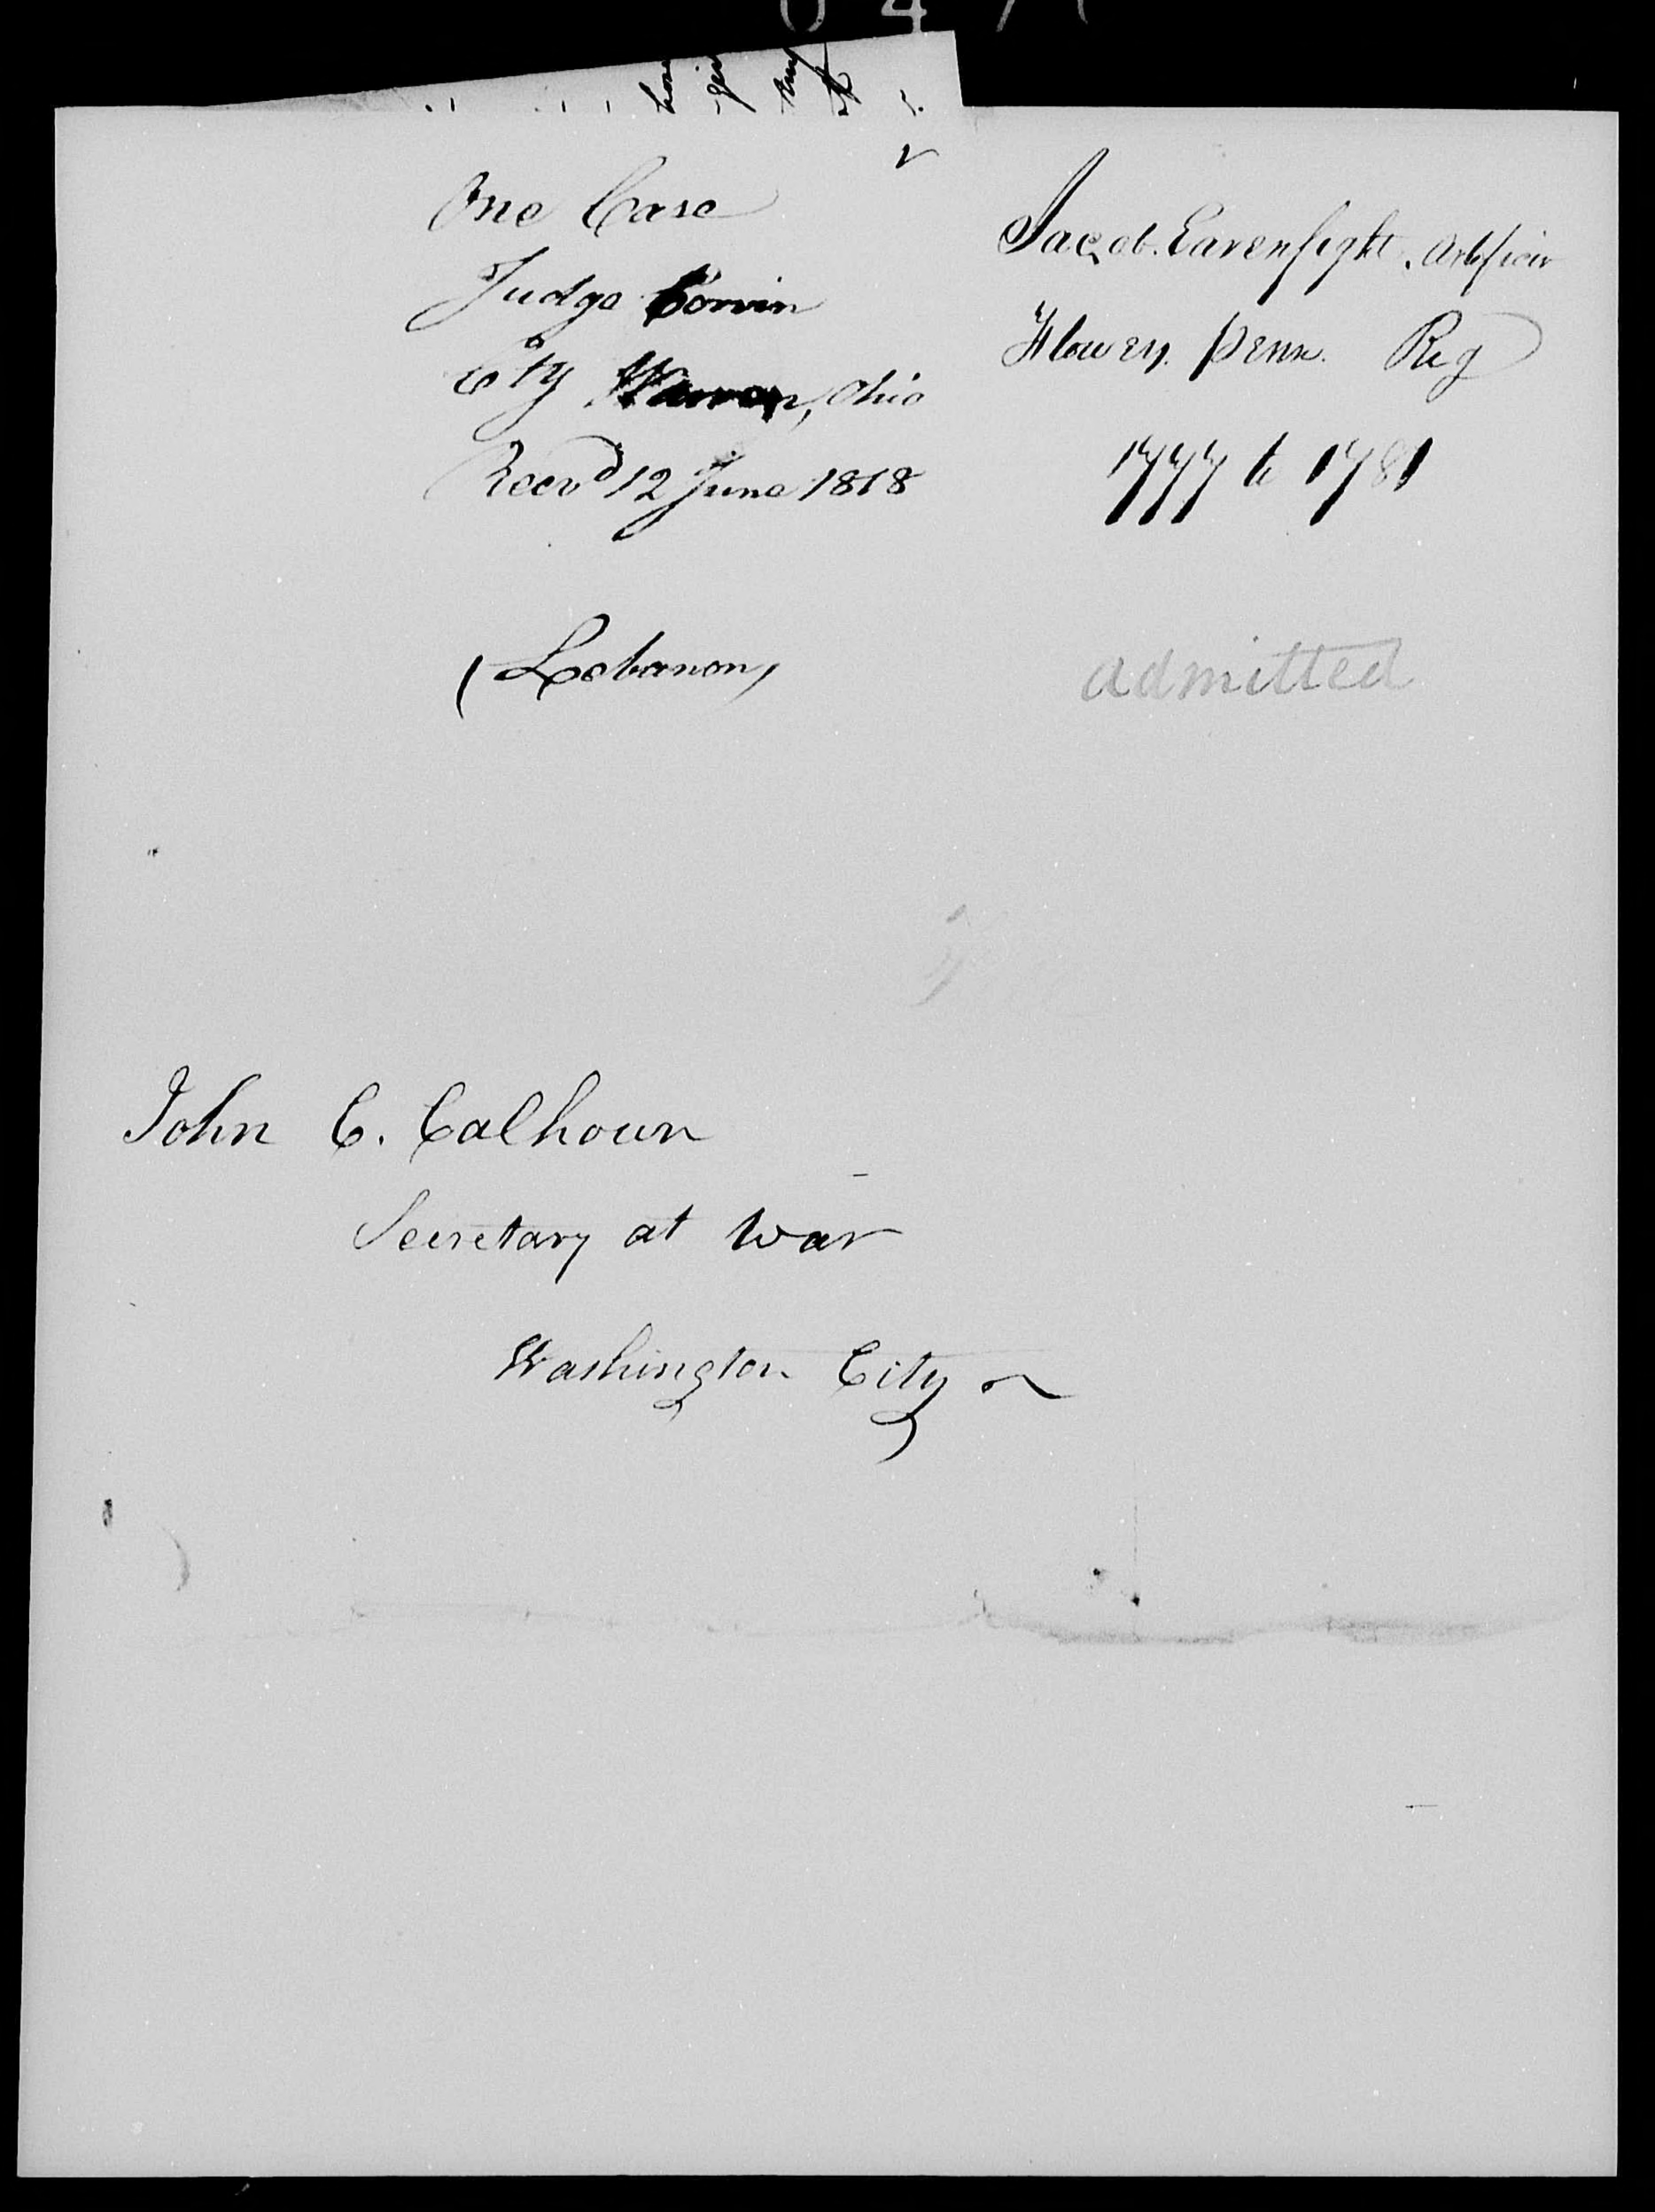Jacob Earenfight, [Artsficir?]
Flowers Penn Reg
1777 to 1781
admitted

One Case
Judge Corwin
City, Warren, Ohio
Recv'd 12 June 1878

(Lebanon)

John C. Calhoun
Secretary of War
Washington City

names: Corwin, John C Calhoun, Jacob Earenfight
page: 3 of 21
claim: survivor's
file: S. 42691, Jacob Earenfight, Continental Ohio Residence And Agency